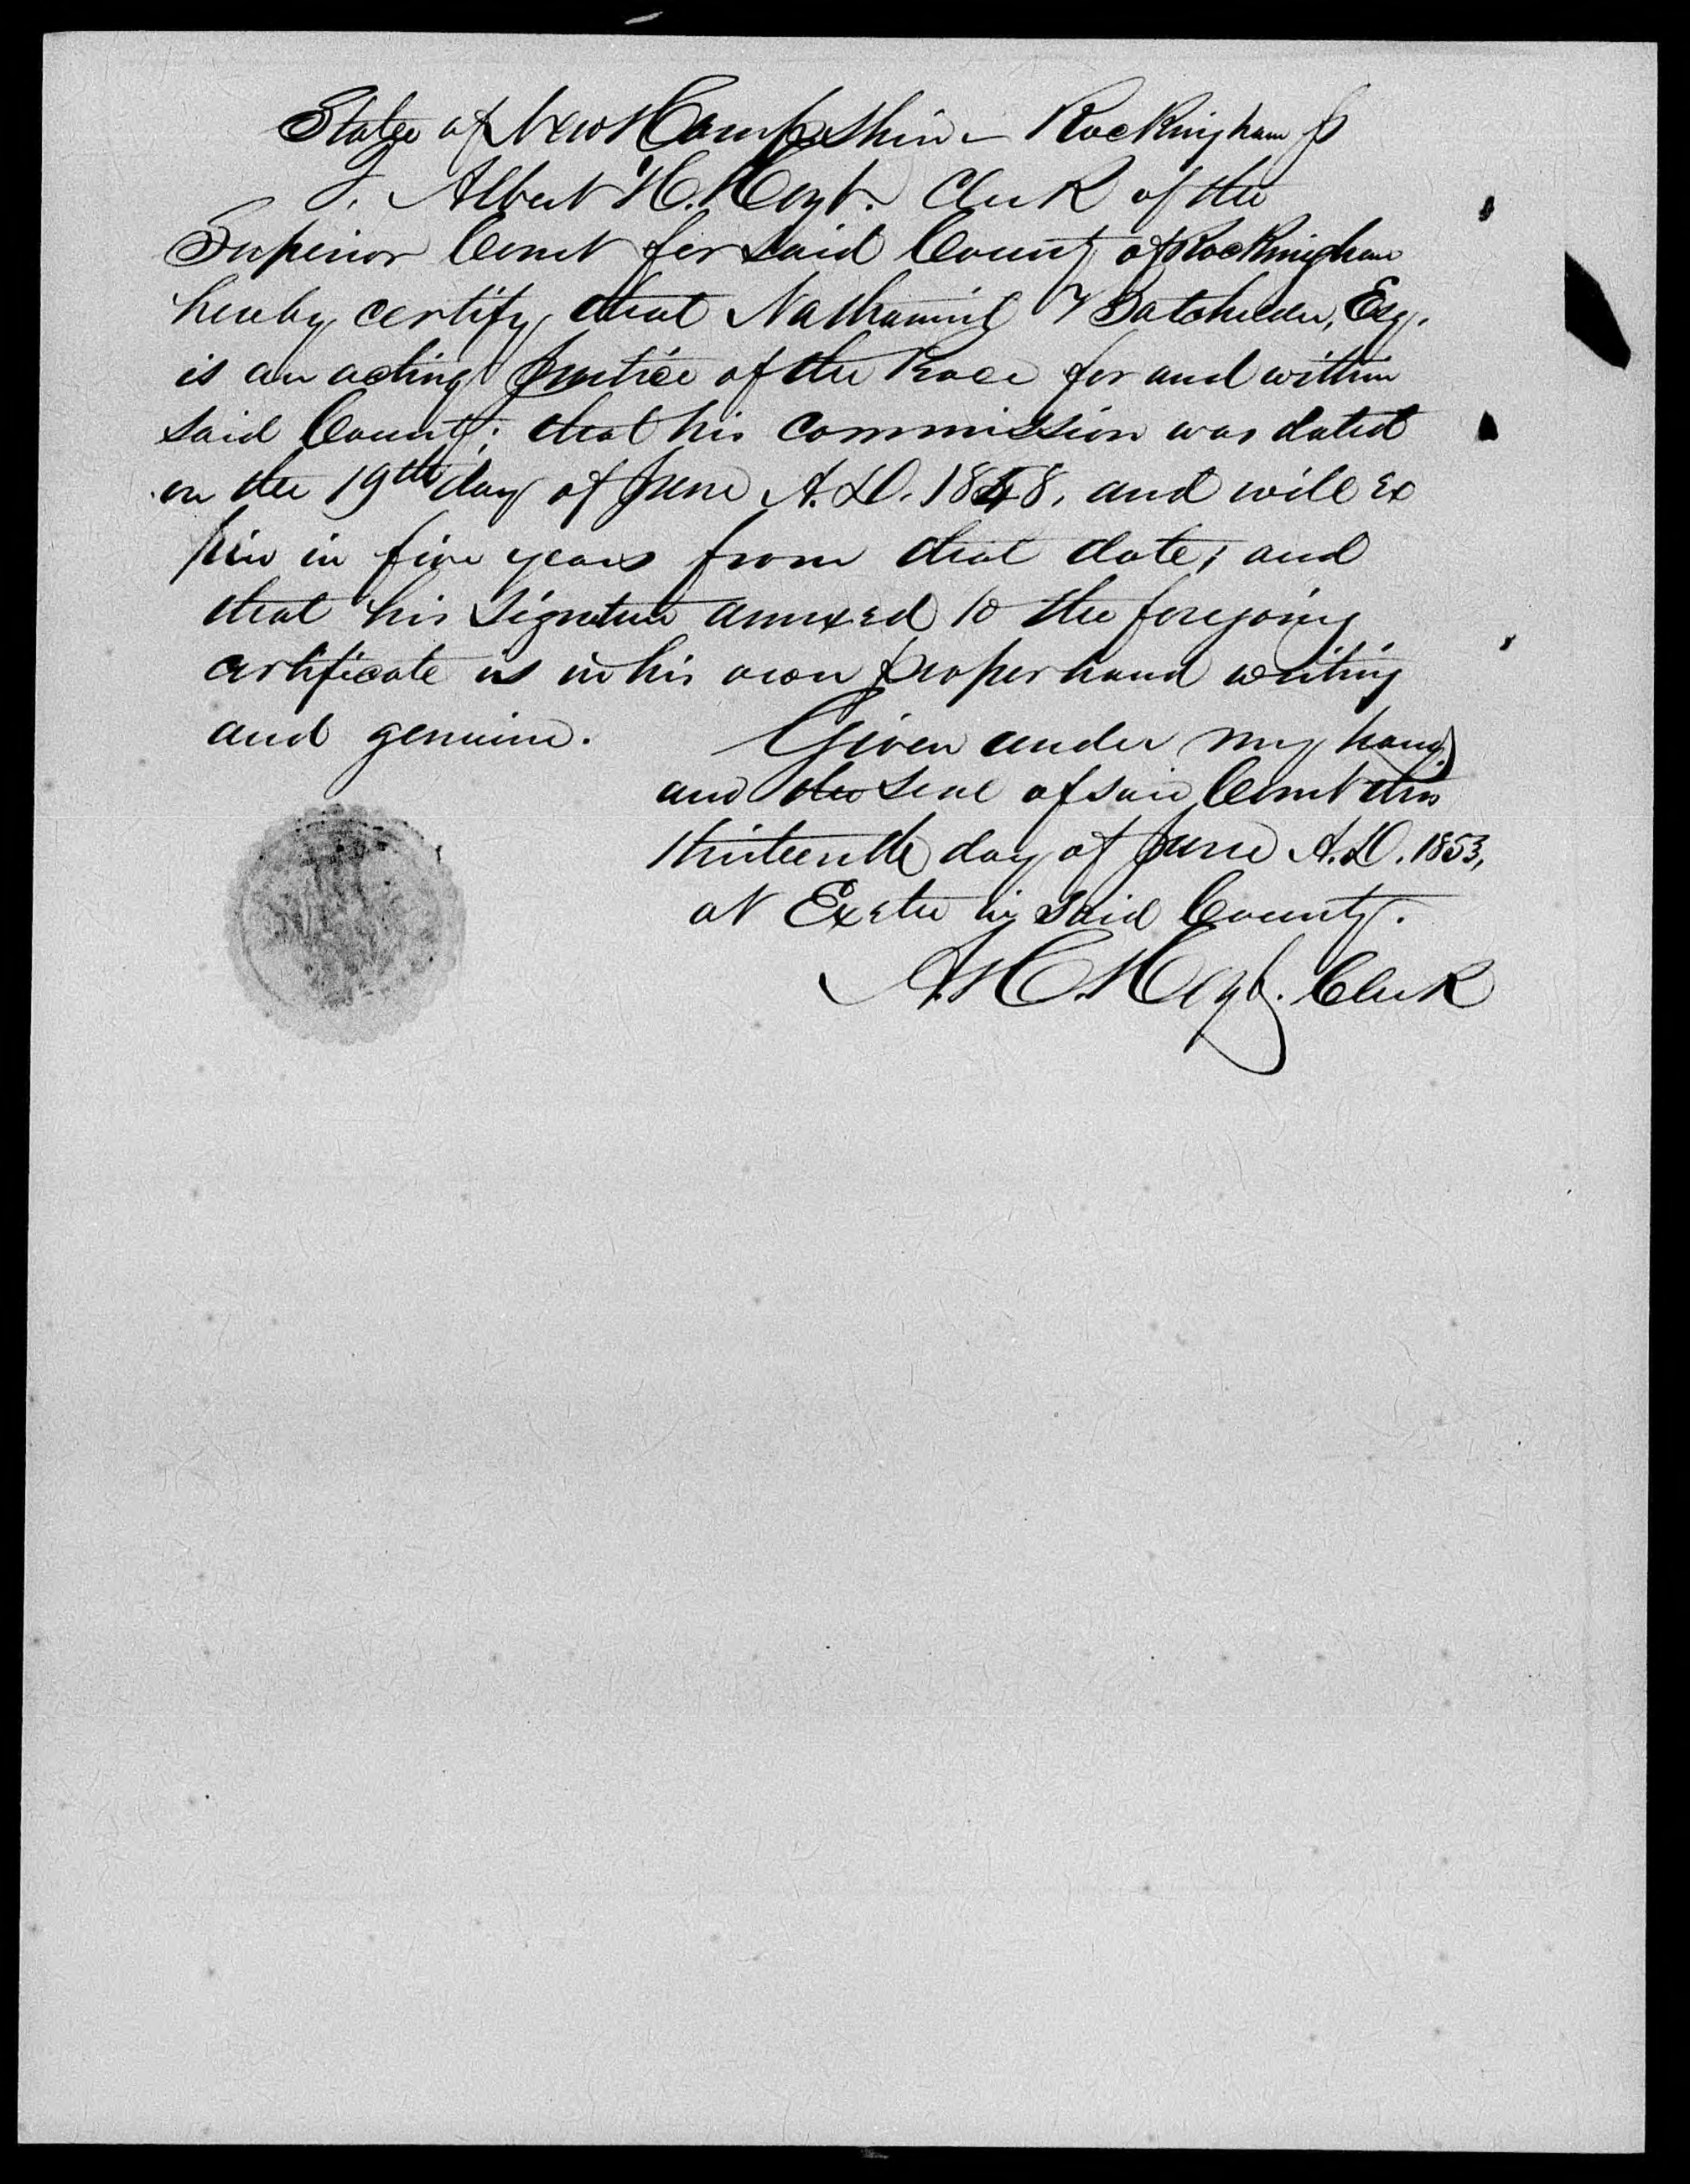State of New Hampshire Rockingham Ss
I Albert H. Heyt clerk of the Superior Court aforesaid County of Rockingham hereby certify that Nathaniel Batchelder Esq is an acting Justice of the Peace for and within said Court; that his commission was dated on the 19th day of June A.D. 1848, and will expire in five years from that date and that his signature annexed to the foregoing certificate is in his own proper hand writing and genuine.
Given under my hand and the seal of said court this thirteenth day of June A.D. 1853, at Exeter in said County.
A H Heyt Clerk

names: Albert H Heyt; Nathaniel Batchelder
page: 8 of 53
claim: widow's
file: W. 492, for Daniel Lamprey, New Hampshire